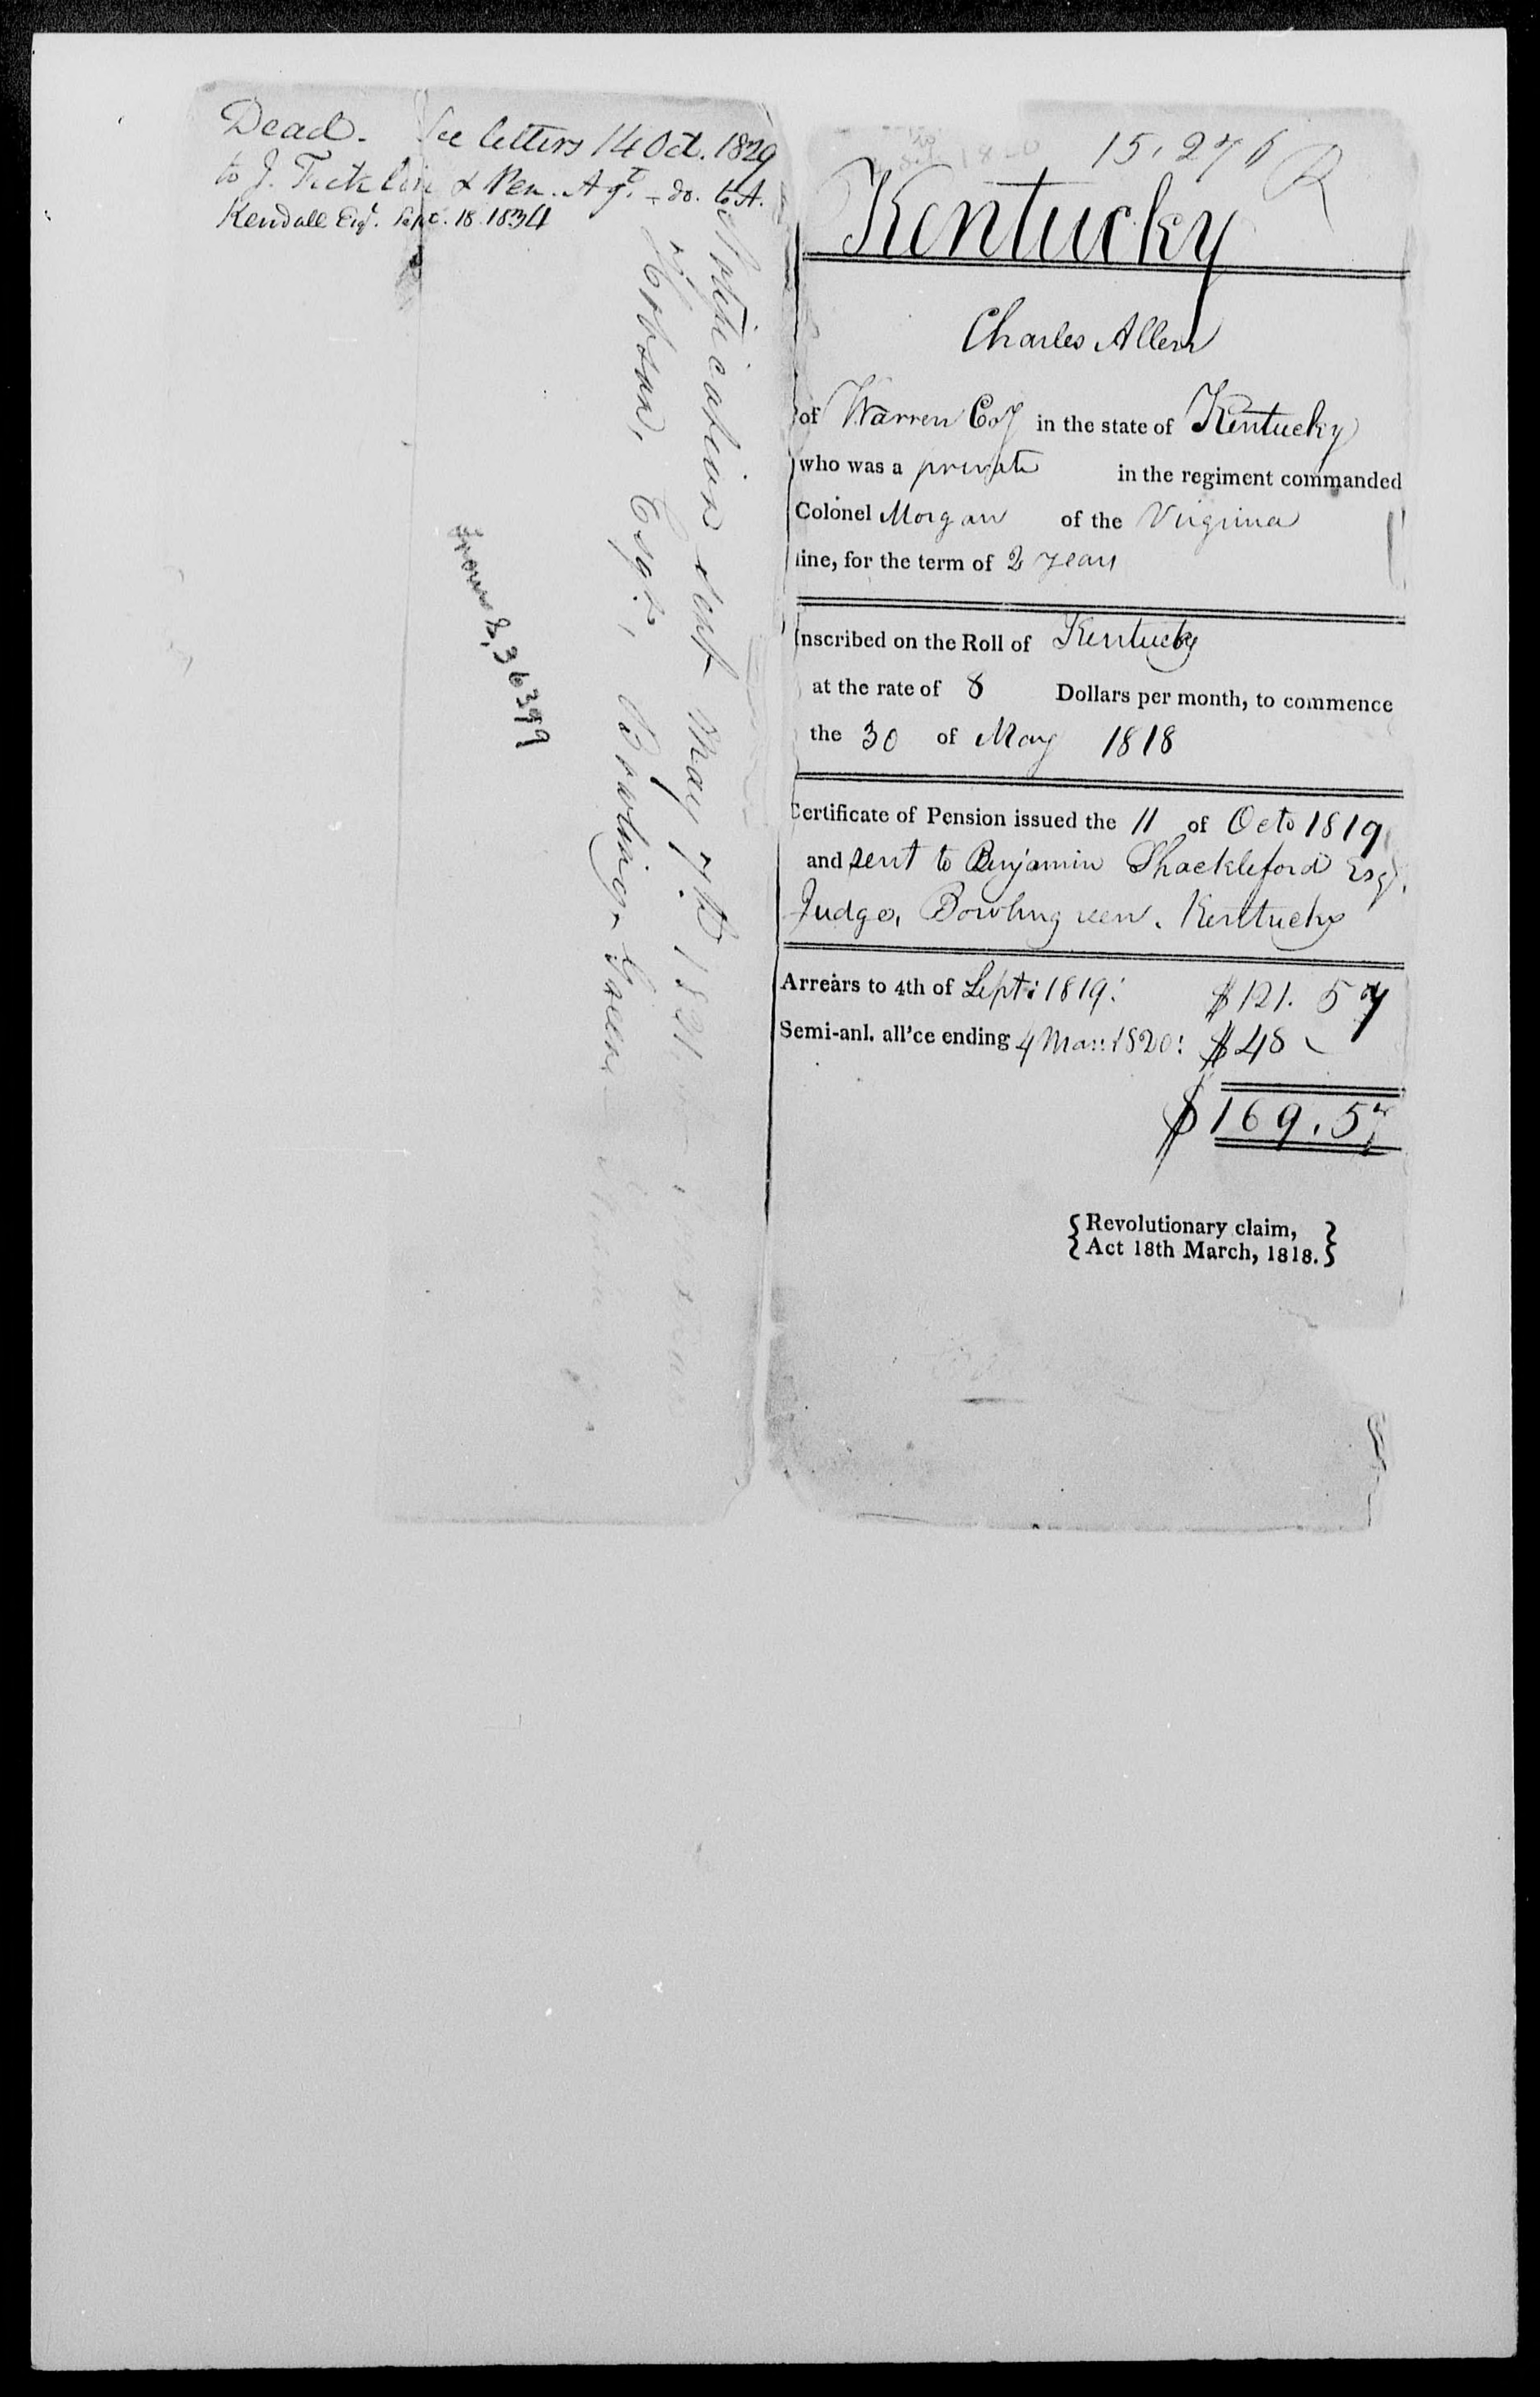Dead. Sec letters 14 October 1829
to J. Ficklane and Pension Ag
Kendall Esquire September 18, 1834

Kentucky

Charles Allen

of Warren County in the state of Kentucky who was a private in the regiment commanded by Colonel Morgan of the Virginia, for the term of 2 years

Inscribed on the Roll of Kentucky at the rate of 8 Dollars per month, to commence on the 30 of May 1818

Certificate of Pension issued the 11 of October 1819 and sent to Benjamin Shackleford Esquire, Judge, Bowling Green, Kentucky

Arrears to the 4th of September 1819: $121.54
Semi annual allowance ending 4 March 1820: $48

 $169.54

Revolutionary claim,
Act 18th March, 1818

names: Charles Allen, Benjamin Shackleford, J Ficklen, A Kendall,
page: 2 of 22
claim: survivor's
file: S. 36399, Charles Allen, Va.